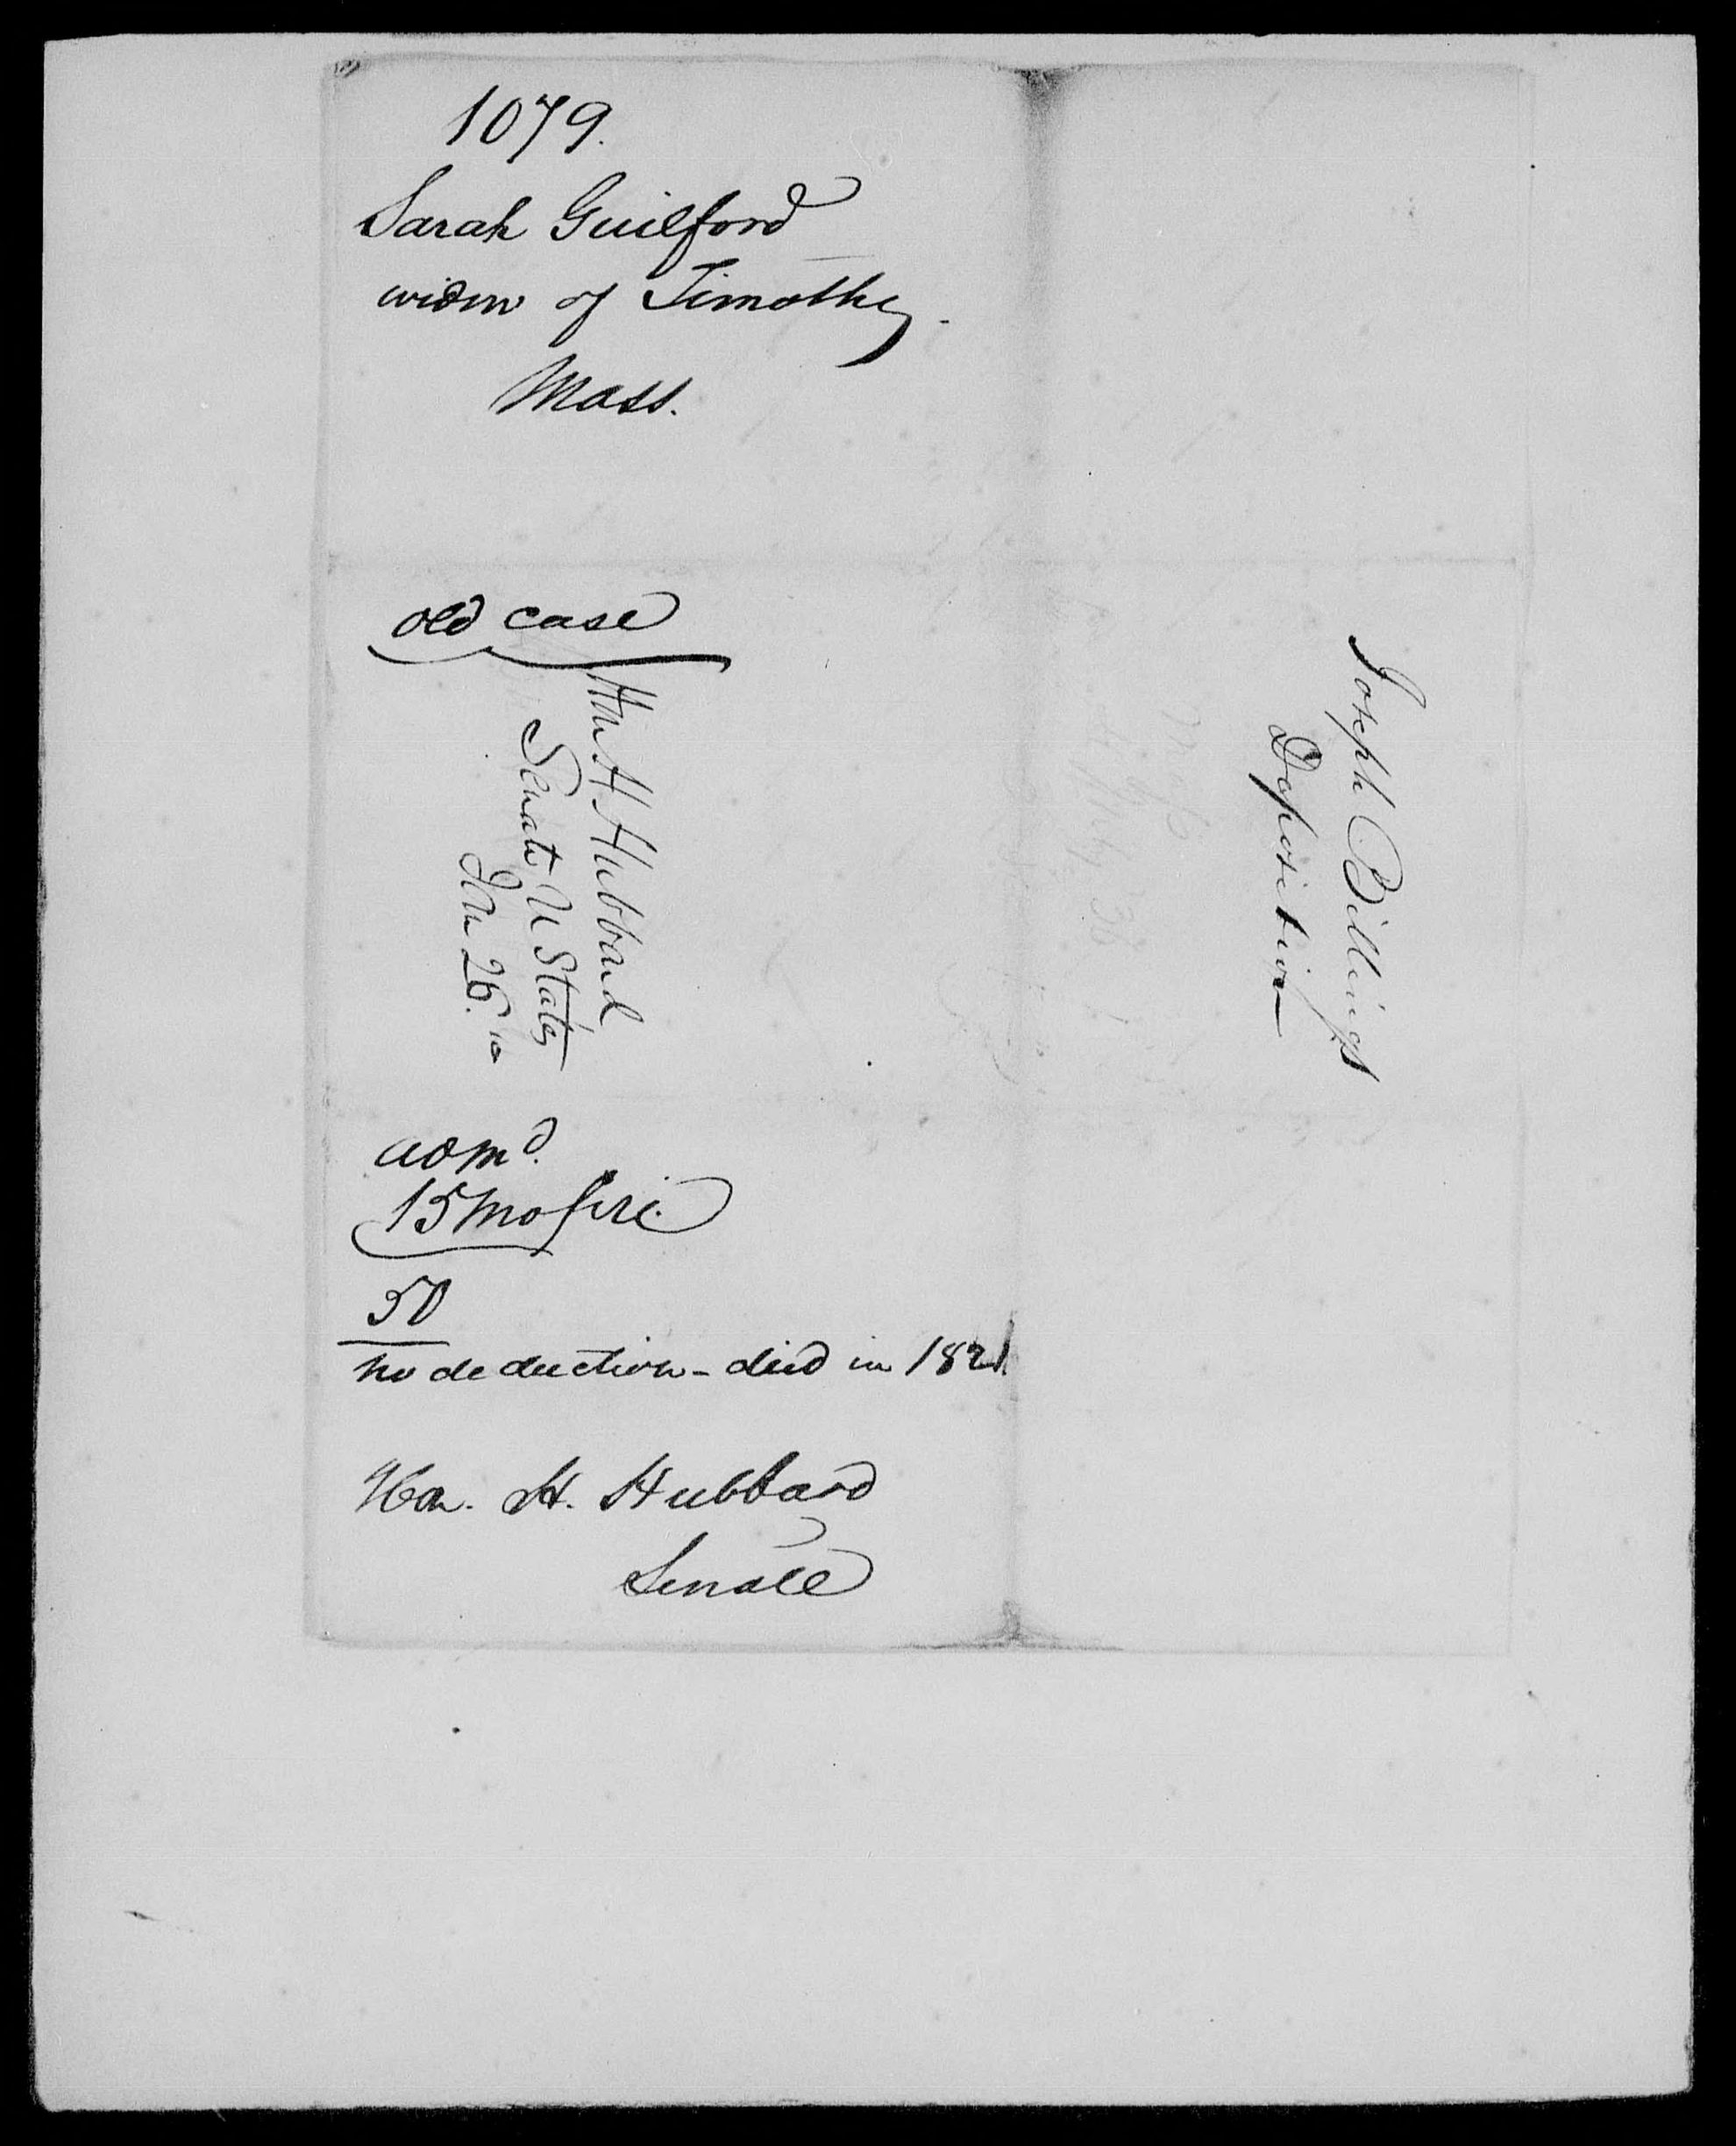1079
Sarah Guilford
widow of Timothy 
Mass.

old case

adm'd
15 mo(illegible)
50
no deduction-died 1821
Hon. H. Hubbard
Senate


Hon. H. Hubbard
Senate U States
Jan 26th

Joseph Billings
deposition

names: H Hubbard, Timothy Guilford, H Hubbard, Joseph Billings, Sarah Guilford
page: 13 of 26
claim: widow's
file: W. 21,238, Timothy Guilford, Mass.